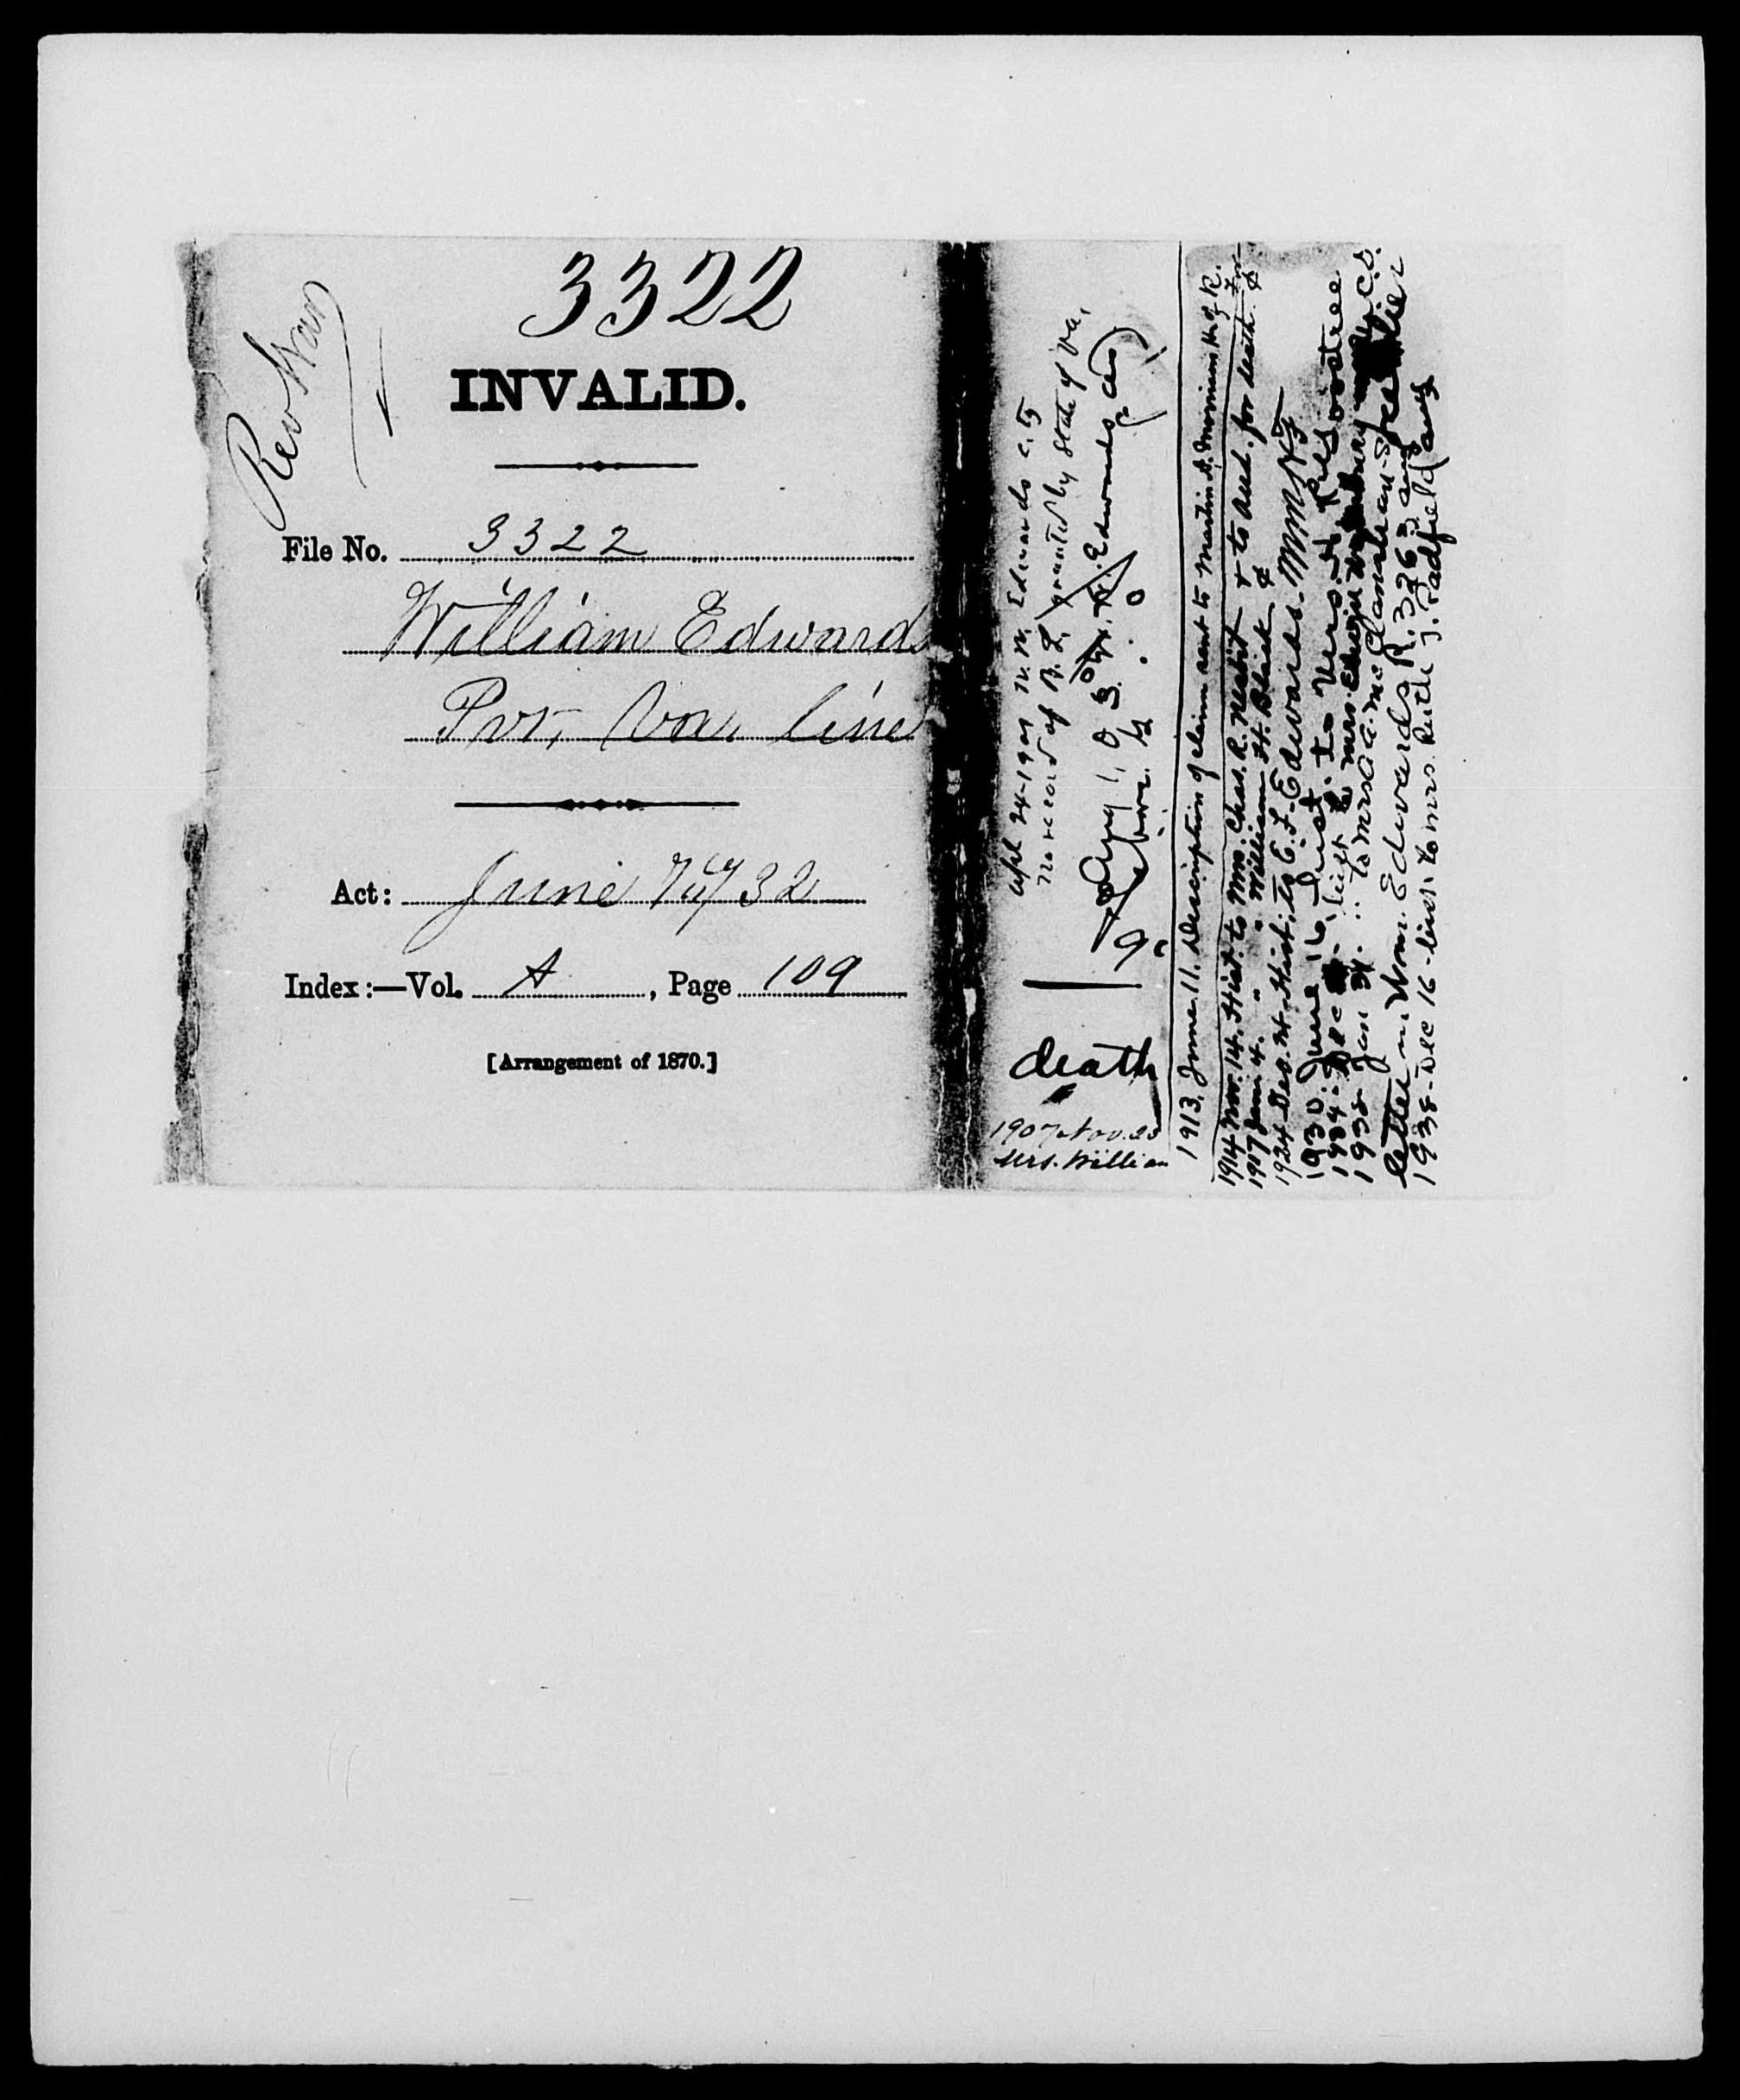Rev War 3322
INVALID.

File No. 3322
William Edwards
Pvt. Va. line

Act: June 7,,/32
Index:-Vol. A, Page 109
[Arrangement of 1870.]

Apl 24 - 1907 W. W. Edwards City
No record of B. L. granted by State of Va,
Aug 1, 03. W. W. Edwards
above. G

1913, June 11, Description of claim sent to Martin A Morrison H of R.
1914 Nov. 14, Hist. to Mrs. Chas R. Nesbit & to Aud. for death.
1917 June 4 - - William H. Black
1924 Oct. 14 Hist. to E. F-Edwards MMHF
1930 June 16, hist. to Mrs. H. W Goostree
1934 - June - hist to Mrs Edwin [illegible] M.C.S.
1938 Jan 31 - " to Mrs A A Mcdonald see letter in Wm Edwards R. 3263 AWF
1938 - Dec 16 - lines. to Mrs Ruth J. Padfield AWF

death
1907 - Nov. 23
Mrs. Williams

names: William, William Edwards, Chas R Nisbet, H R Goostree, Martin A Morrison, A A Mc Clanahan, Ruth T Padfield, Wm Edwards, Edwin Waterbury, E F Edwards, W W Edwards, W W Edwards, William H Black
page: 18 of 47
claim: survivor's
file: S. 3,322, William Edwards, Va.